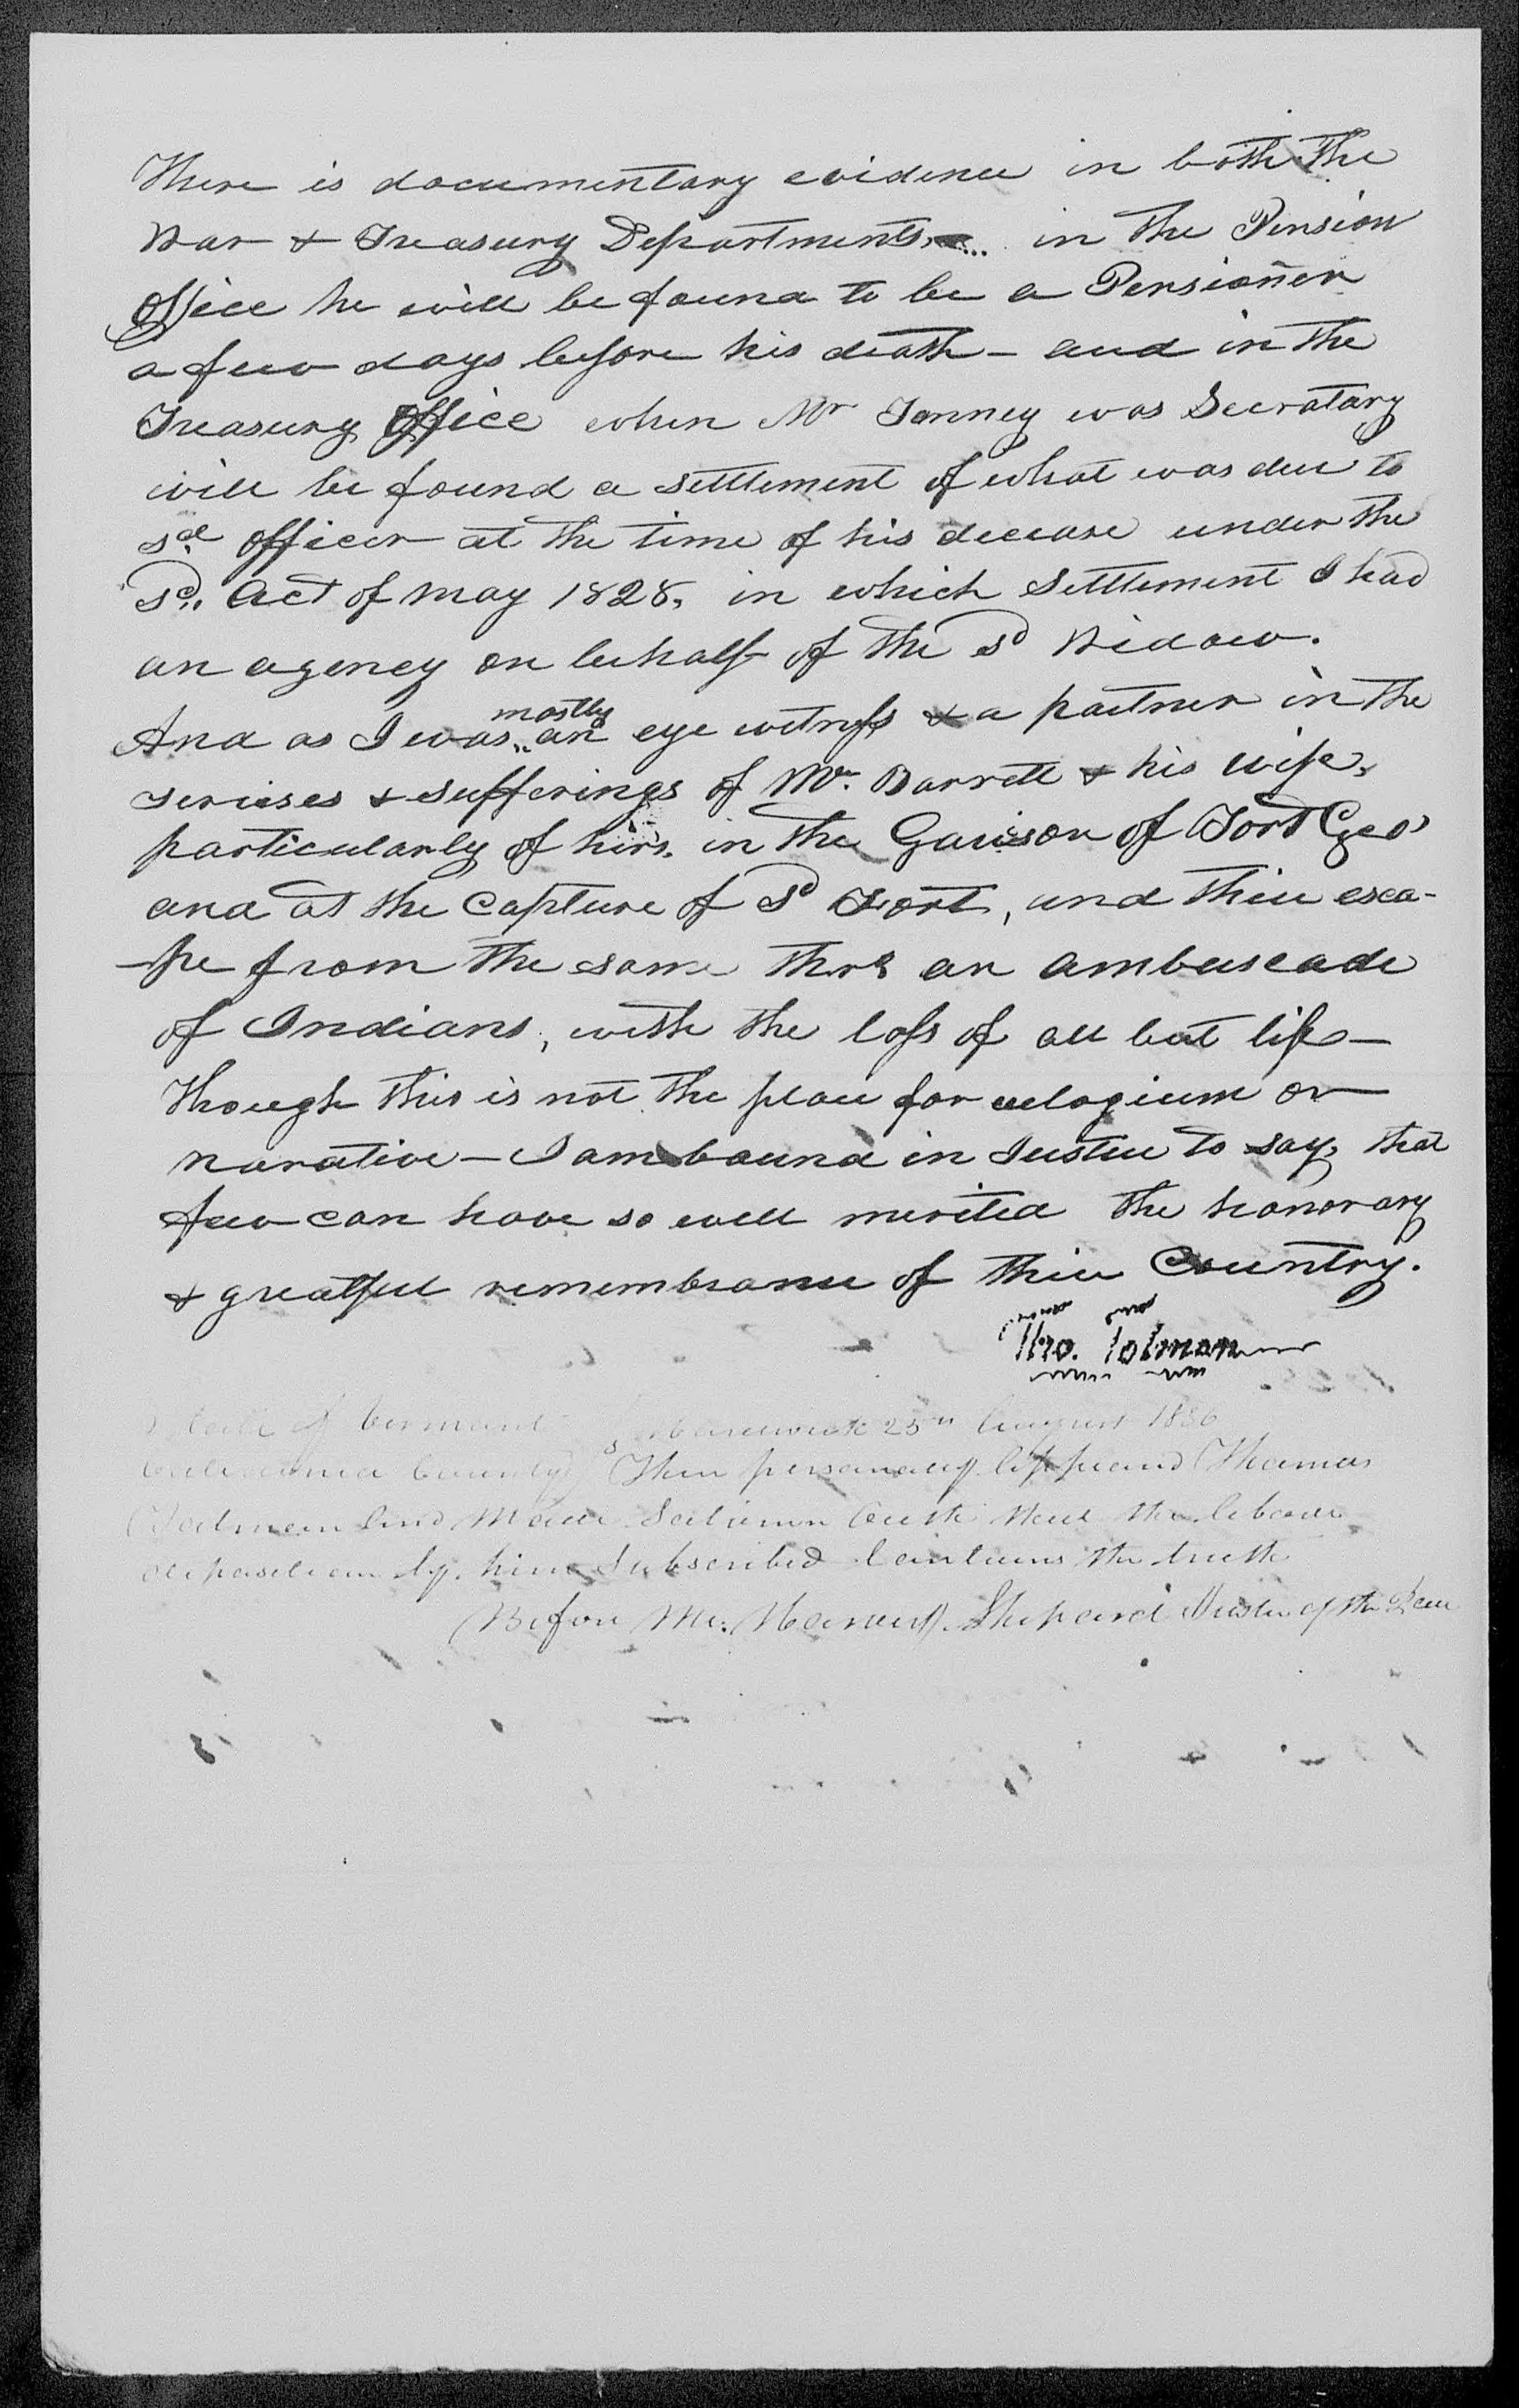There is documentary evidence in both the War and Treasury Departments in the Pension office he will be found to be a pensioner a few days before his death. And in the Treasury Office when Mr. Tanney was Secretary will be found a settlement of what was due to sd officer at the time of his decease under the sd Act of May 1828 in which settlement I had an agency on behalf of the sd widow. And as I was mostly an eye witness and a partner in the services and sufferings of Mr. Barrett and his wife, particularly of hers in the Garrison of Fort Geo and at the capture of sd Fort, and their escape from the same thru an ambush of Indians, with the loss of all but life. Though this is not the place for (unknown) or narration- I am bound in Justice to say, that few can have so well merited the scenery and greatful remembrance of their country. 
Tho Tolman 

State of Vermont
Caladania County 
Subscribed 25th August 1836 Them personally appeared Thomas Tolman under solemn oath made the above deposition by him subscribed I witness the truth. 
Before me Harvey Shepard Master of the Law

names: Barrett, Thomas Tolman, Harvey Shepard, Tho Tolman, Tanney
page: 58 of 83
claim: widow's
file: W. 10,384, Oliver Barrett, Continental (Vt.) N.Y.